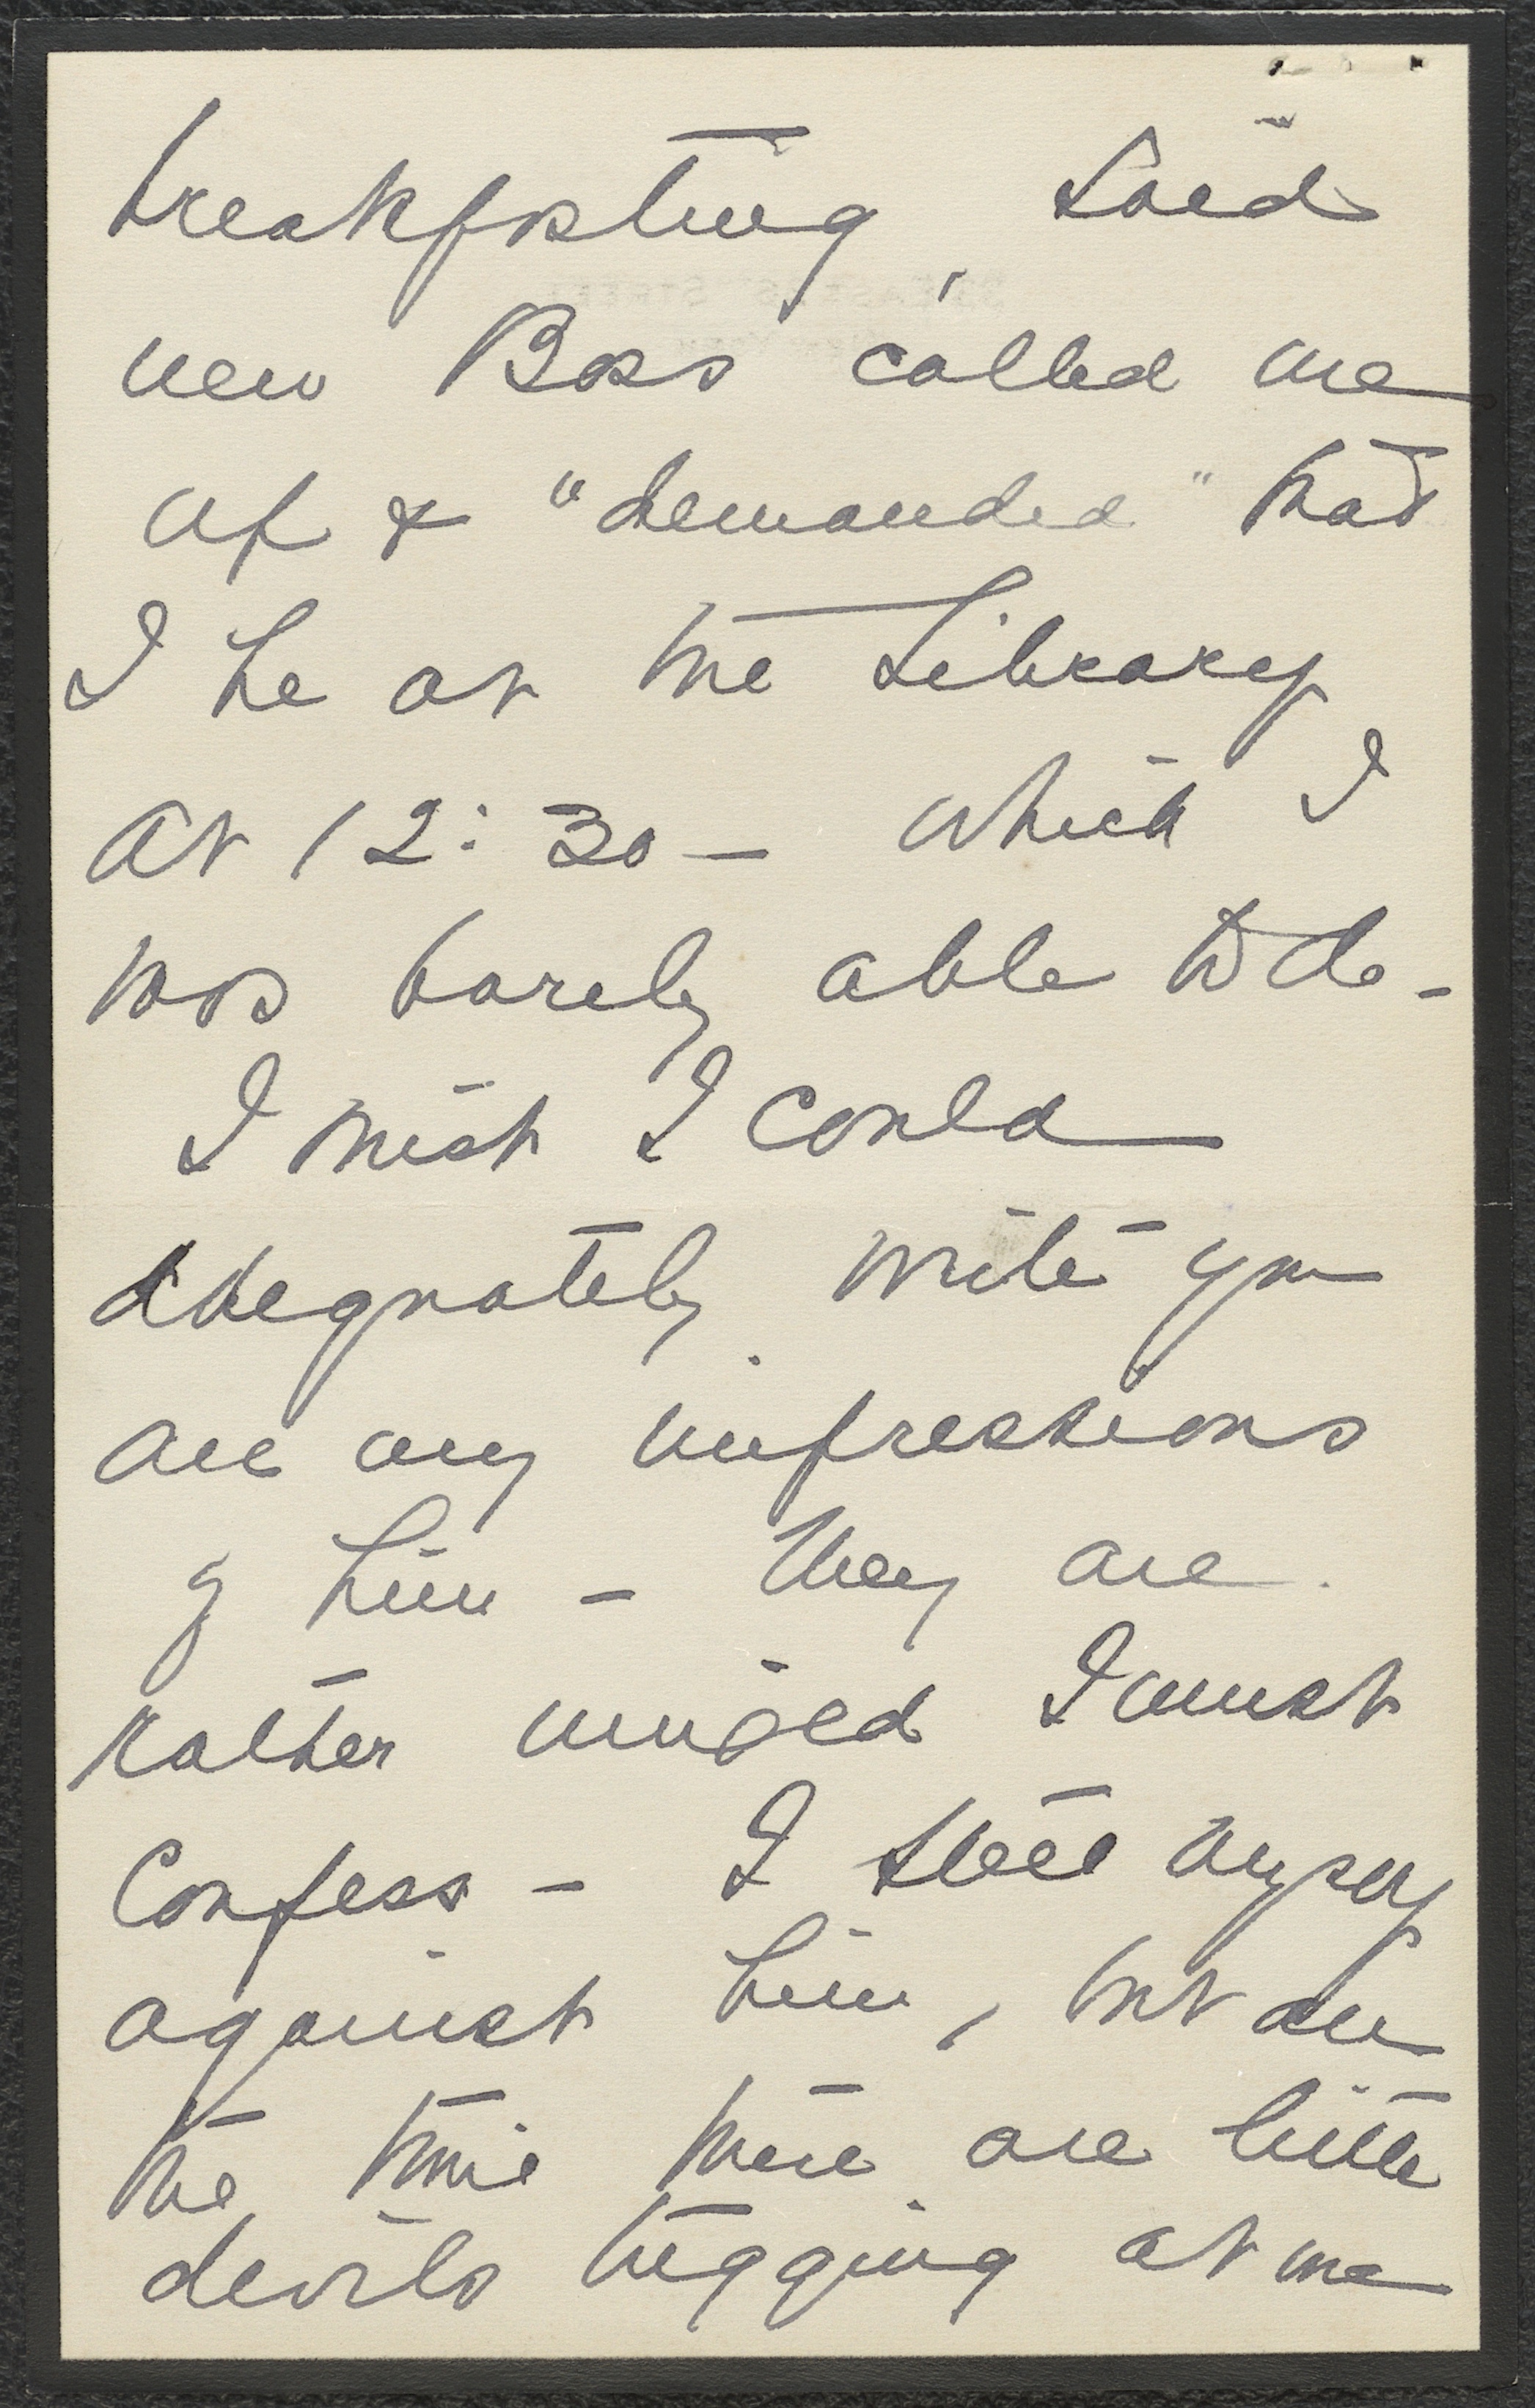breakfasting, said new Boss called me up & “demanded” that I be at the Library at 12:30 – which I was barely able to do –
I wish I could adequately write you all my impressions of him – They are rather mixed I must confess – I steel myself against him, but all the time there are little devils tugging at me